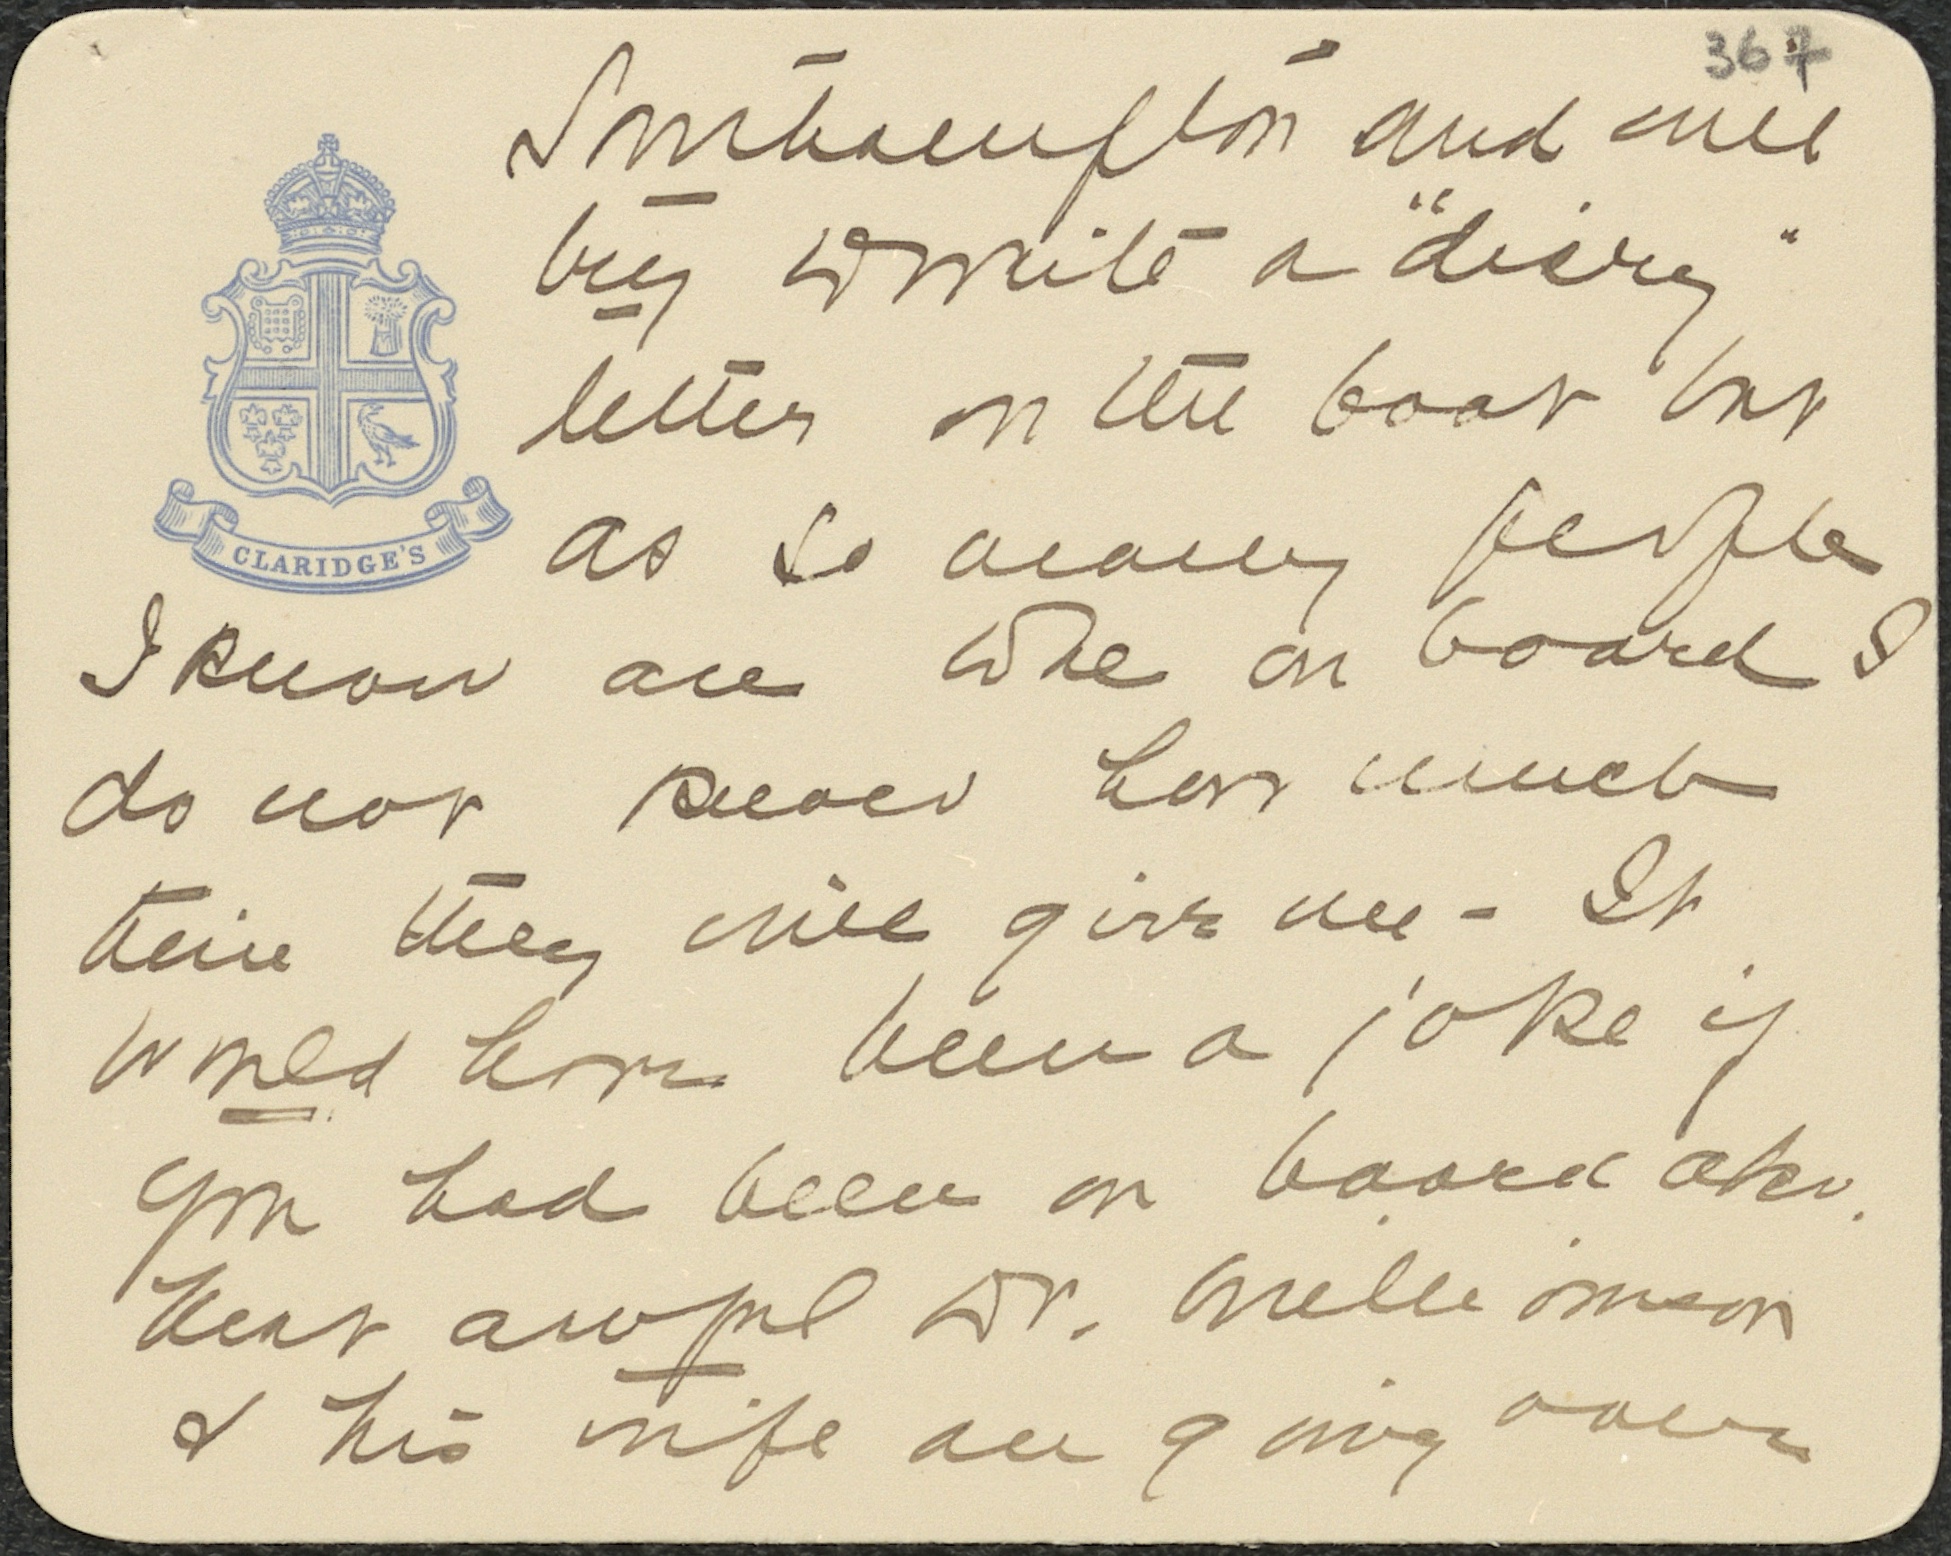Southampton and will try to write a “diary” letter on the boat but as so many people I know are to be on board I do not know how much time they will give me – It would have been a joke if you had been on board also. That awful Dr. Williamson & his wife are going over